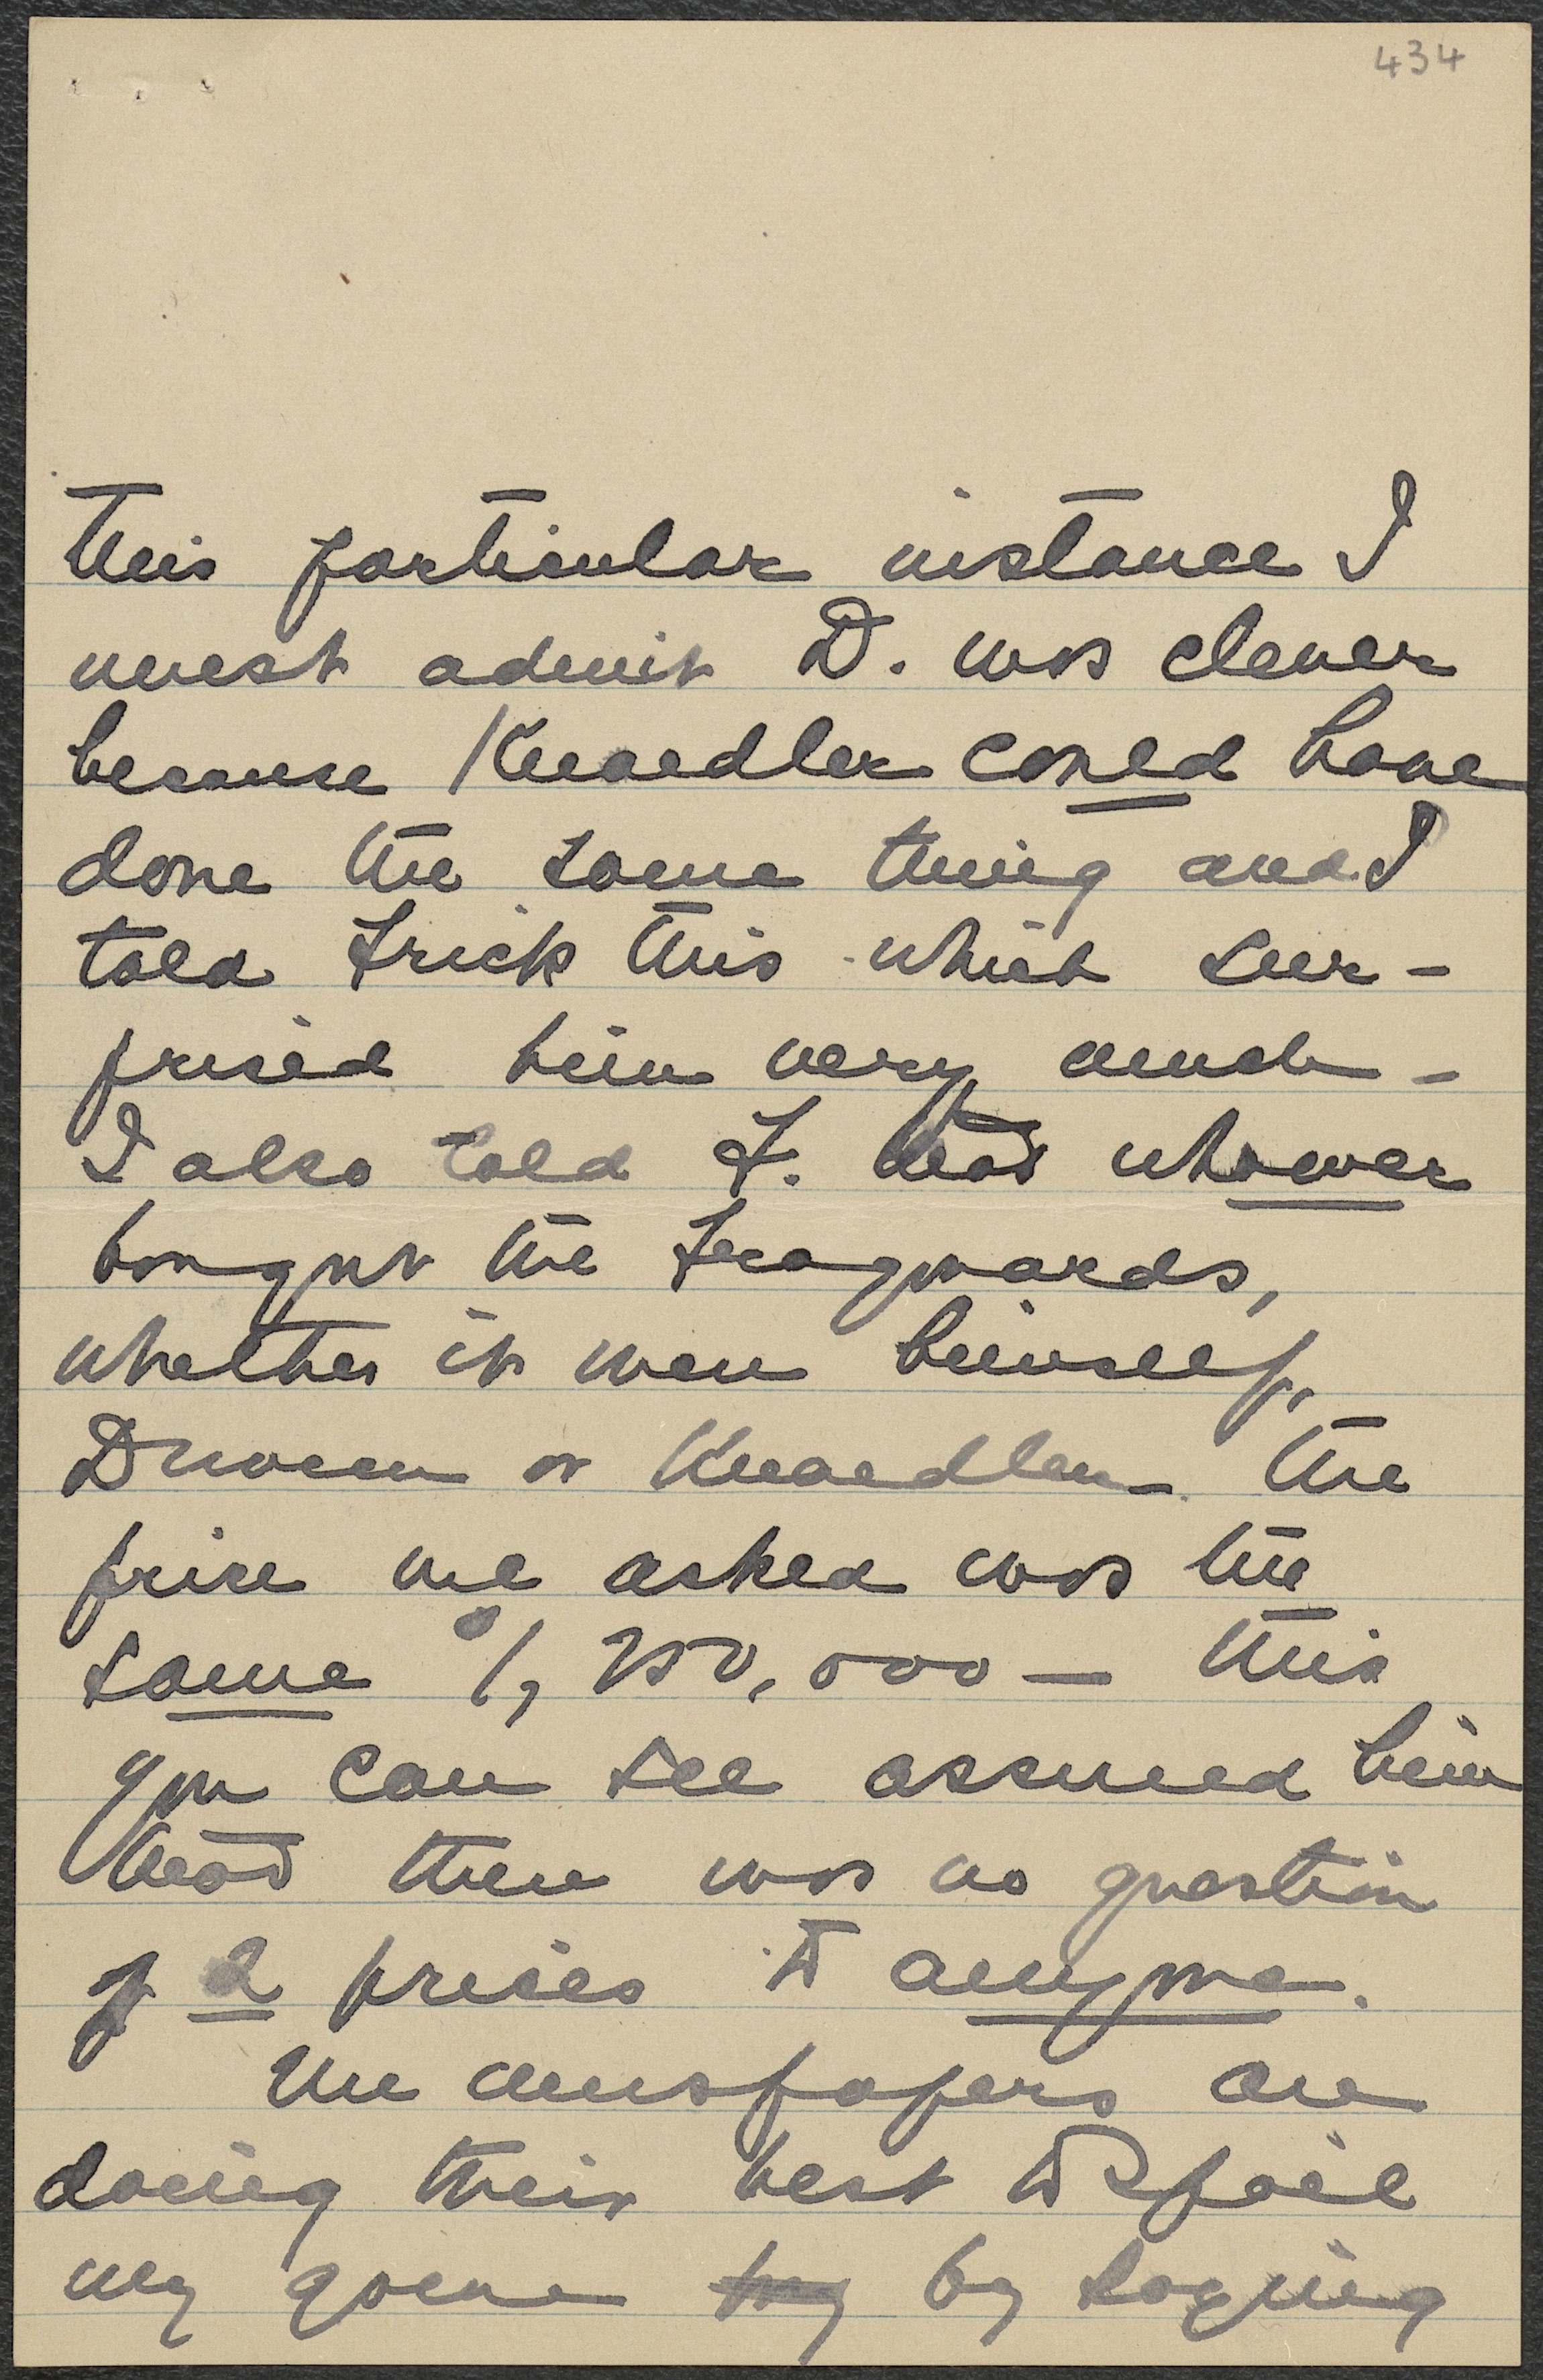this particular instance I must admit D. was clever because Knoedler could have done the same thing and I told Frick this which surprised him very much – I also told F. that whoever bought the Fragonards, whether it were himself, Duveen or Knoedler – the price he asked was the same $1,250,000 – this you can see assured him that there was no question of 2 prices to anyone. The newspapers are doing their best to spoil my game by by saying